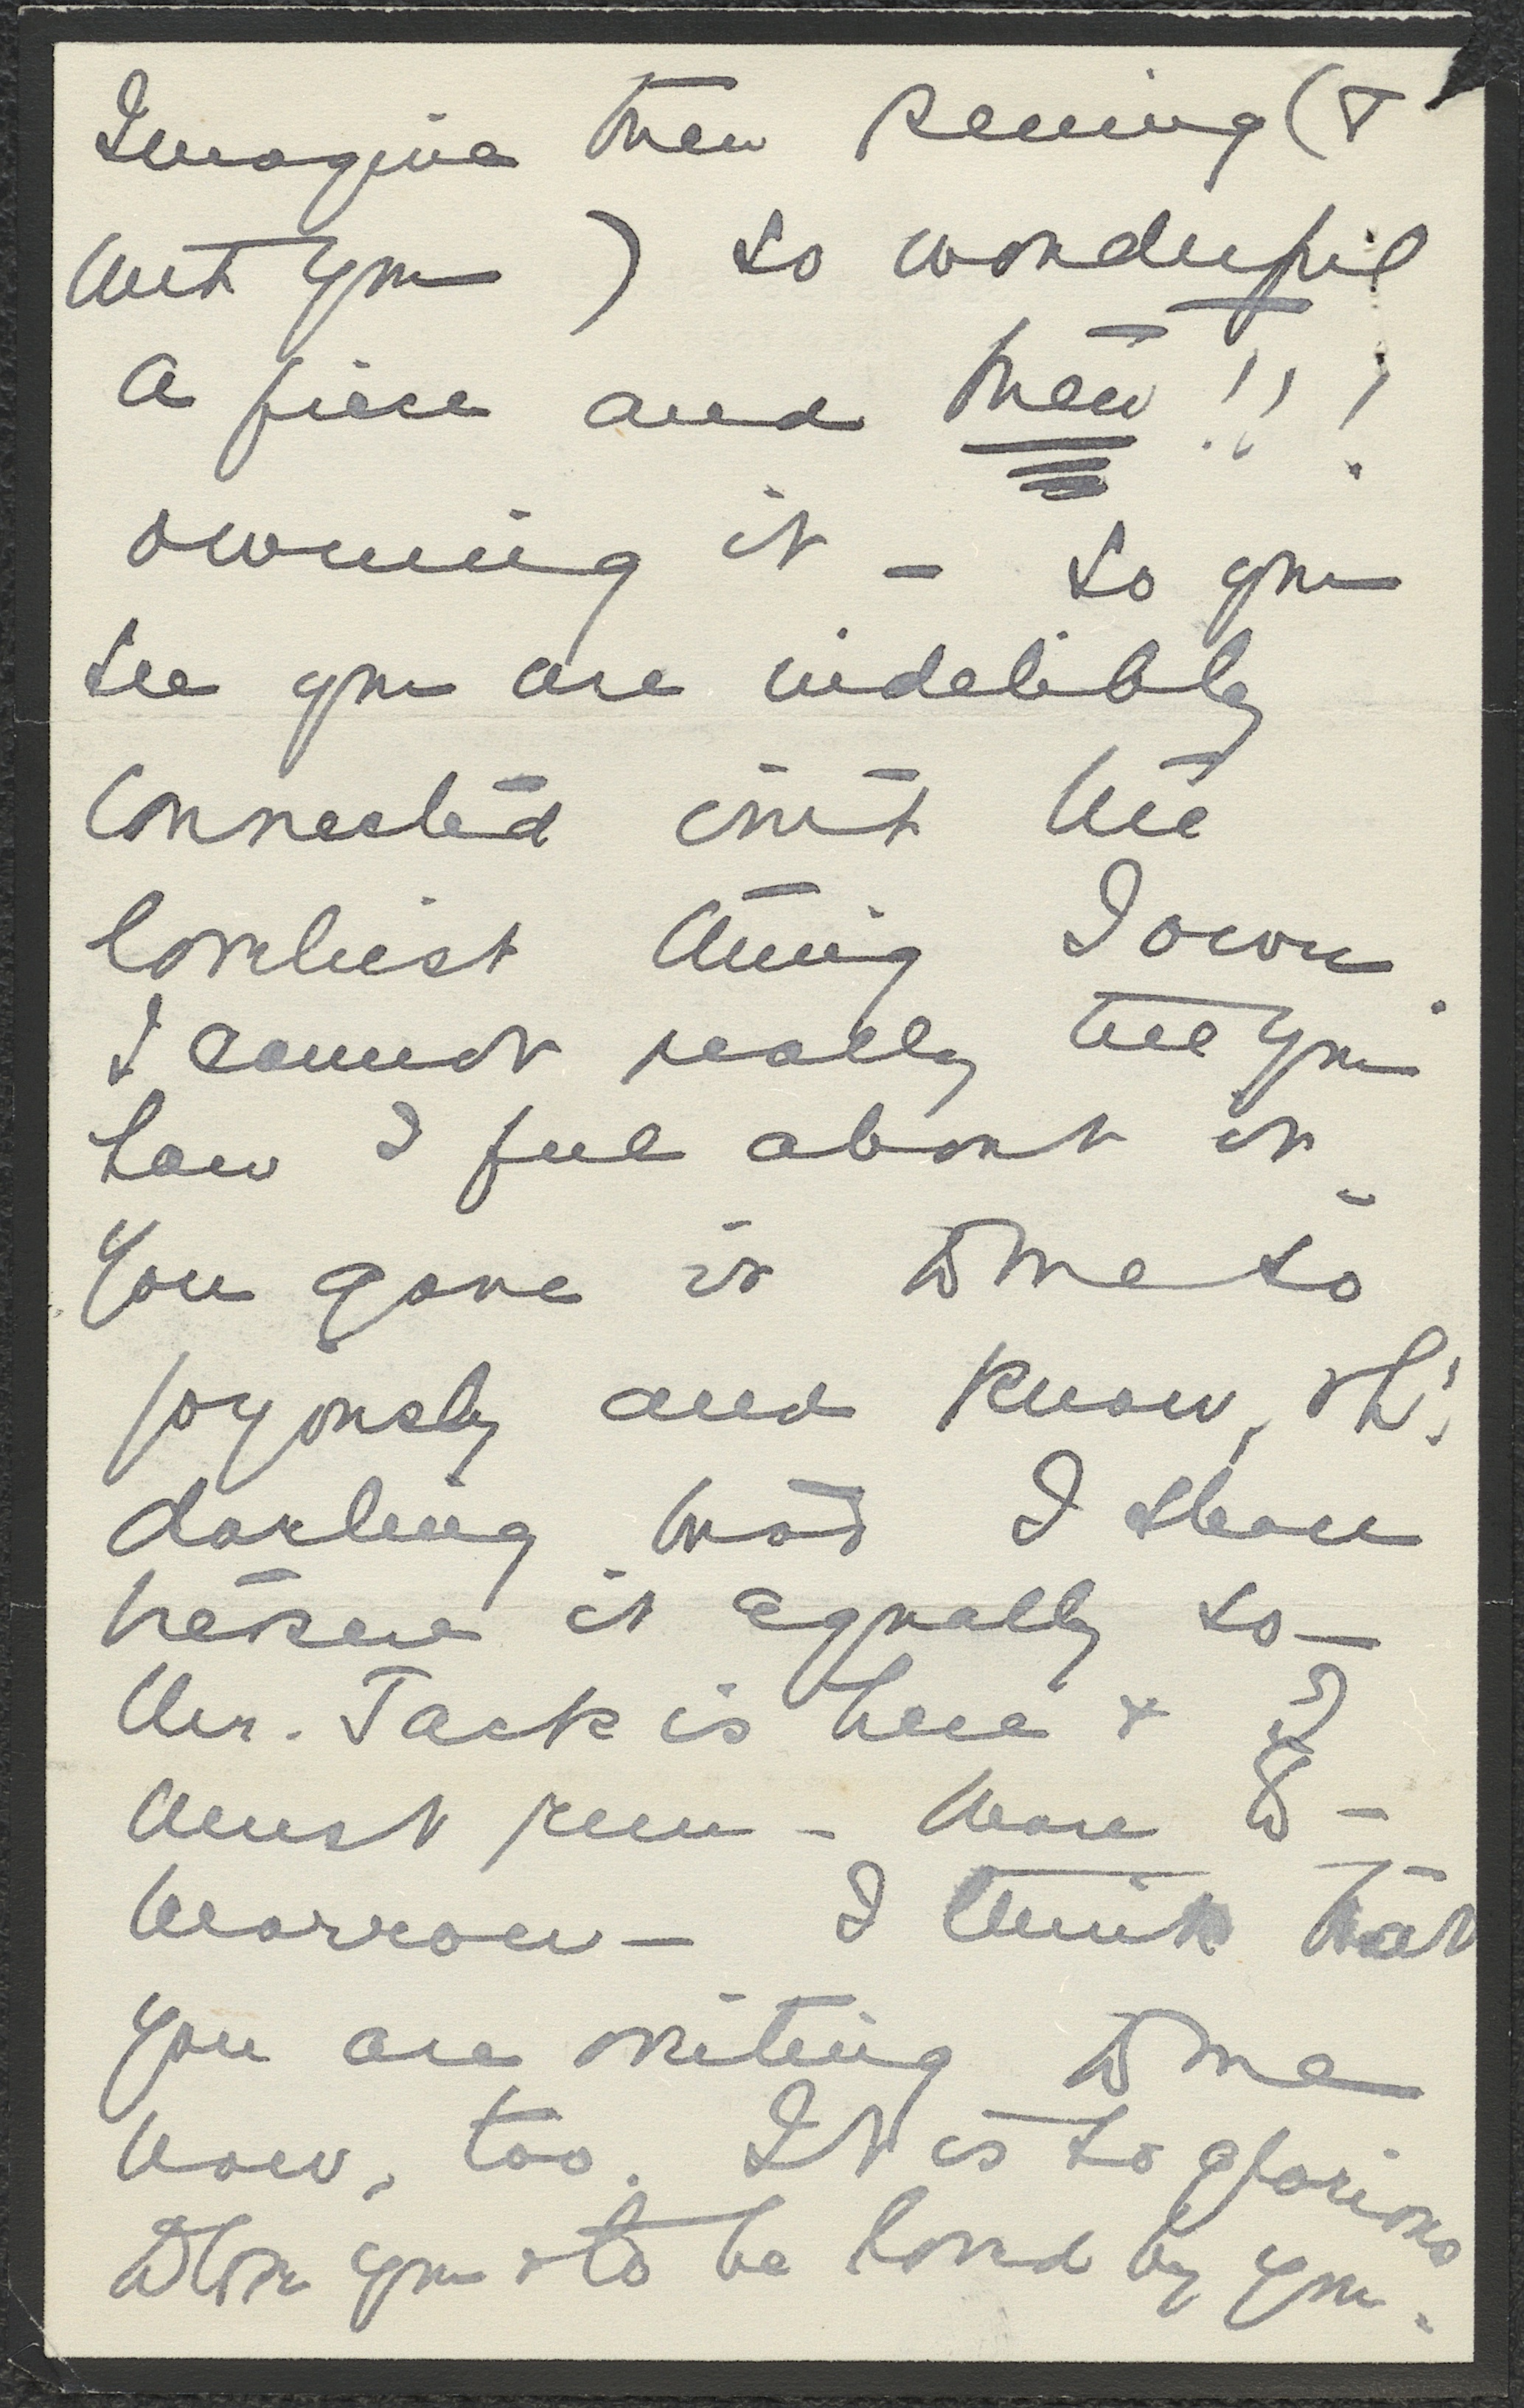Imagine then seeing (& with you) so wonderful a piece and [quadruple underlined: then] !!! owning it – so you see you are indelibly connected with the loveliest thing I own. I cannot really tell you how I feel about it – You gave it to me so joyously and know, oh! darling that I shall treasure it equally so – Mr. Jack is here & I must run – more tomorrow – I think that you are writing to me now, too. It is so glorious to love you & to be loved by you.